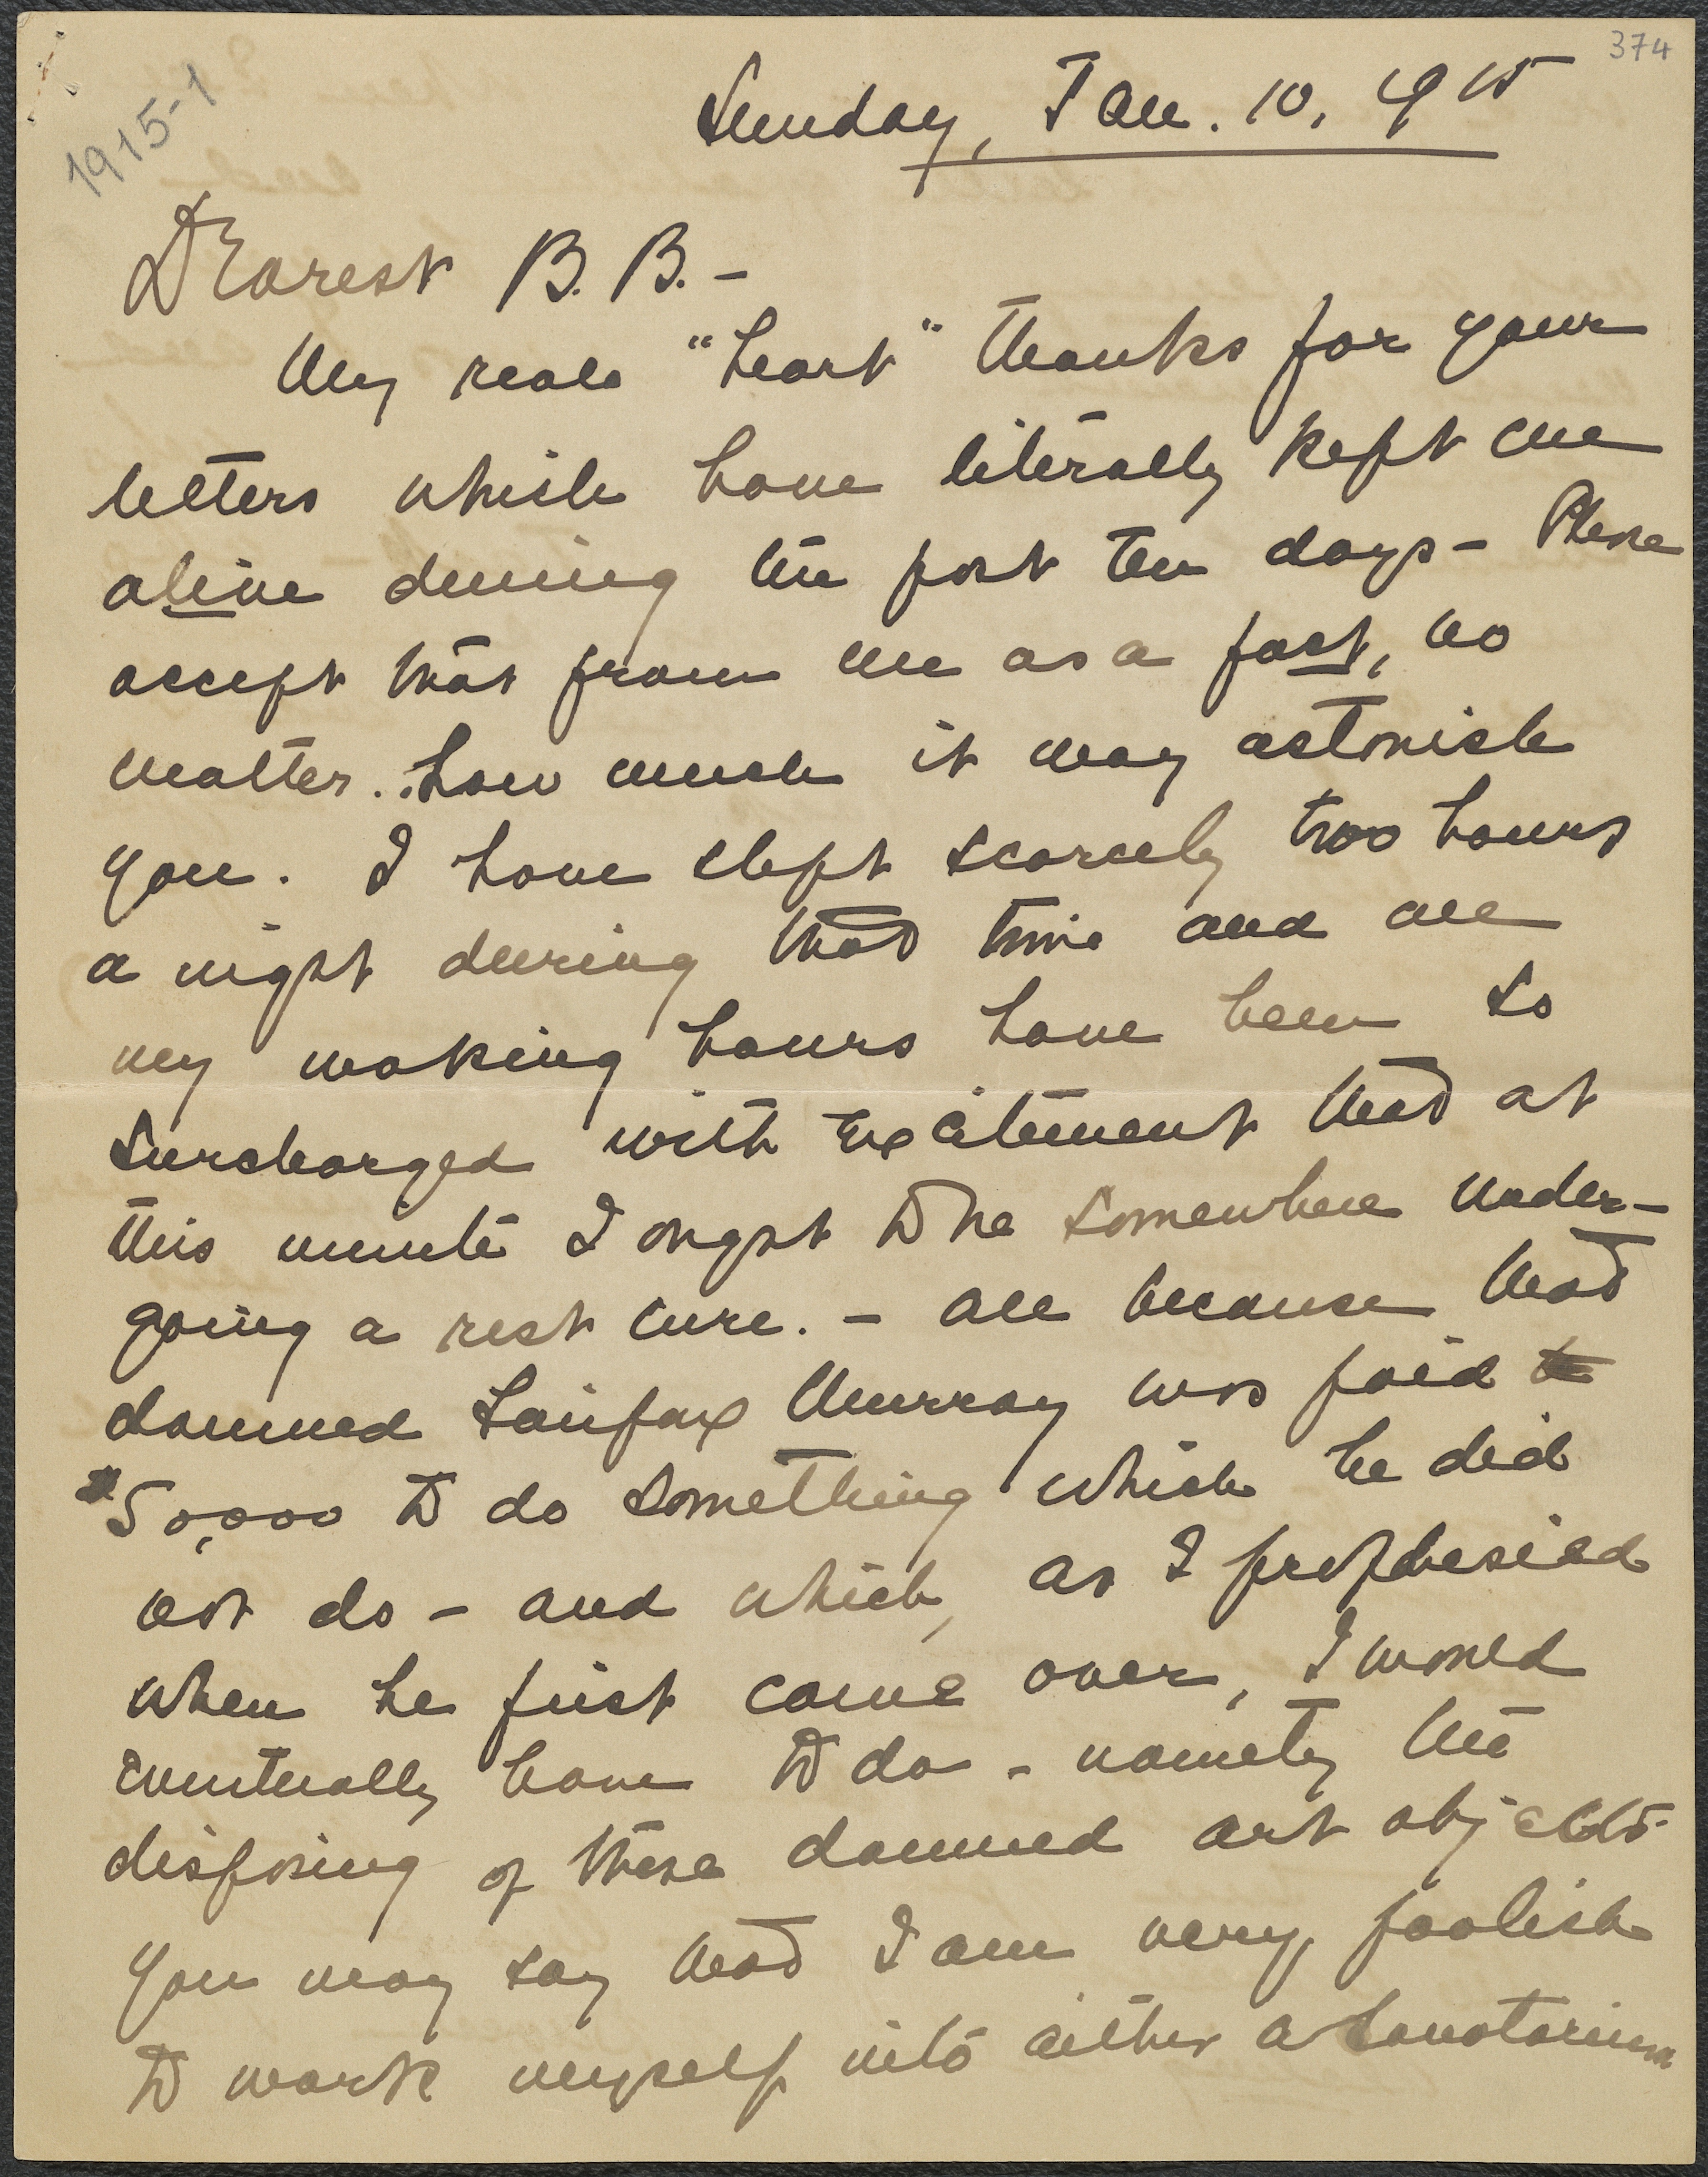Sunday, Jan. 10, 1915
Dearest B.B. –
My real “heart” thanks for your letters which have literally kept me alive during the past ten days – Please accept that from me as a fact, no matter. how much it may astonish you. I have slept scarcely two hours a night during that time and all my waking hours have been so surcharged with excitement that at this minute I ought to be somewhere undergoing a rest cure. – all because that damned Fairfax Murray was paid to $50,000 to do something which he did not do – and which, as I prophesied when he first came over, I would eventually have to do – namely the disposing of these damned art objects. You may say that I am very foolish to work myself into either a sanatorium